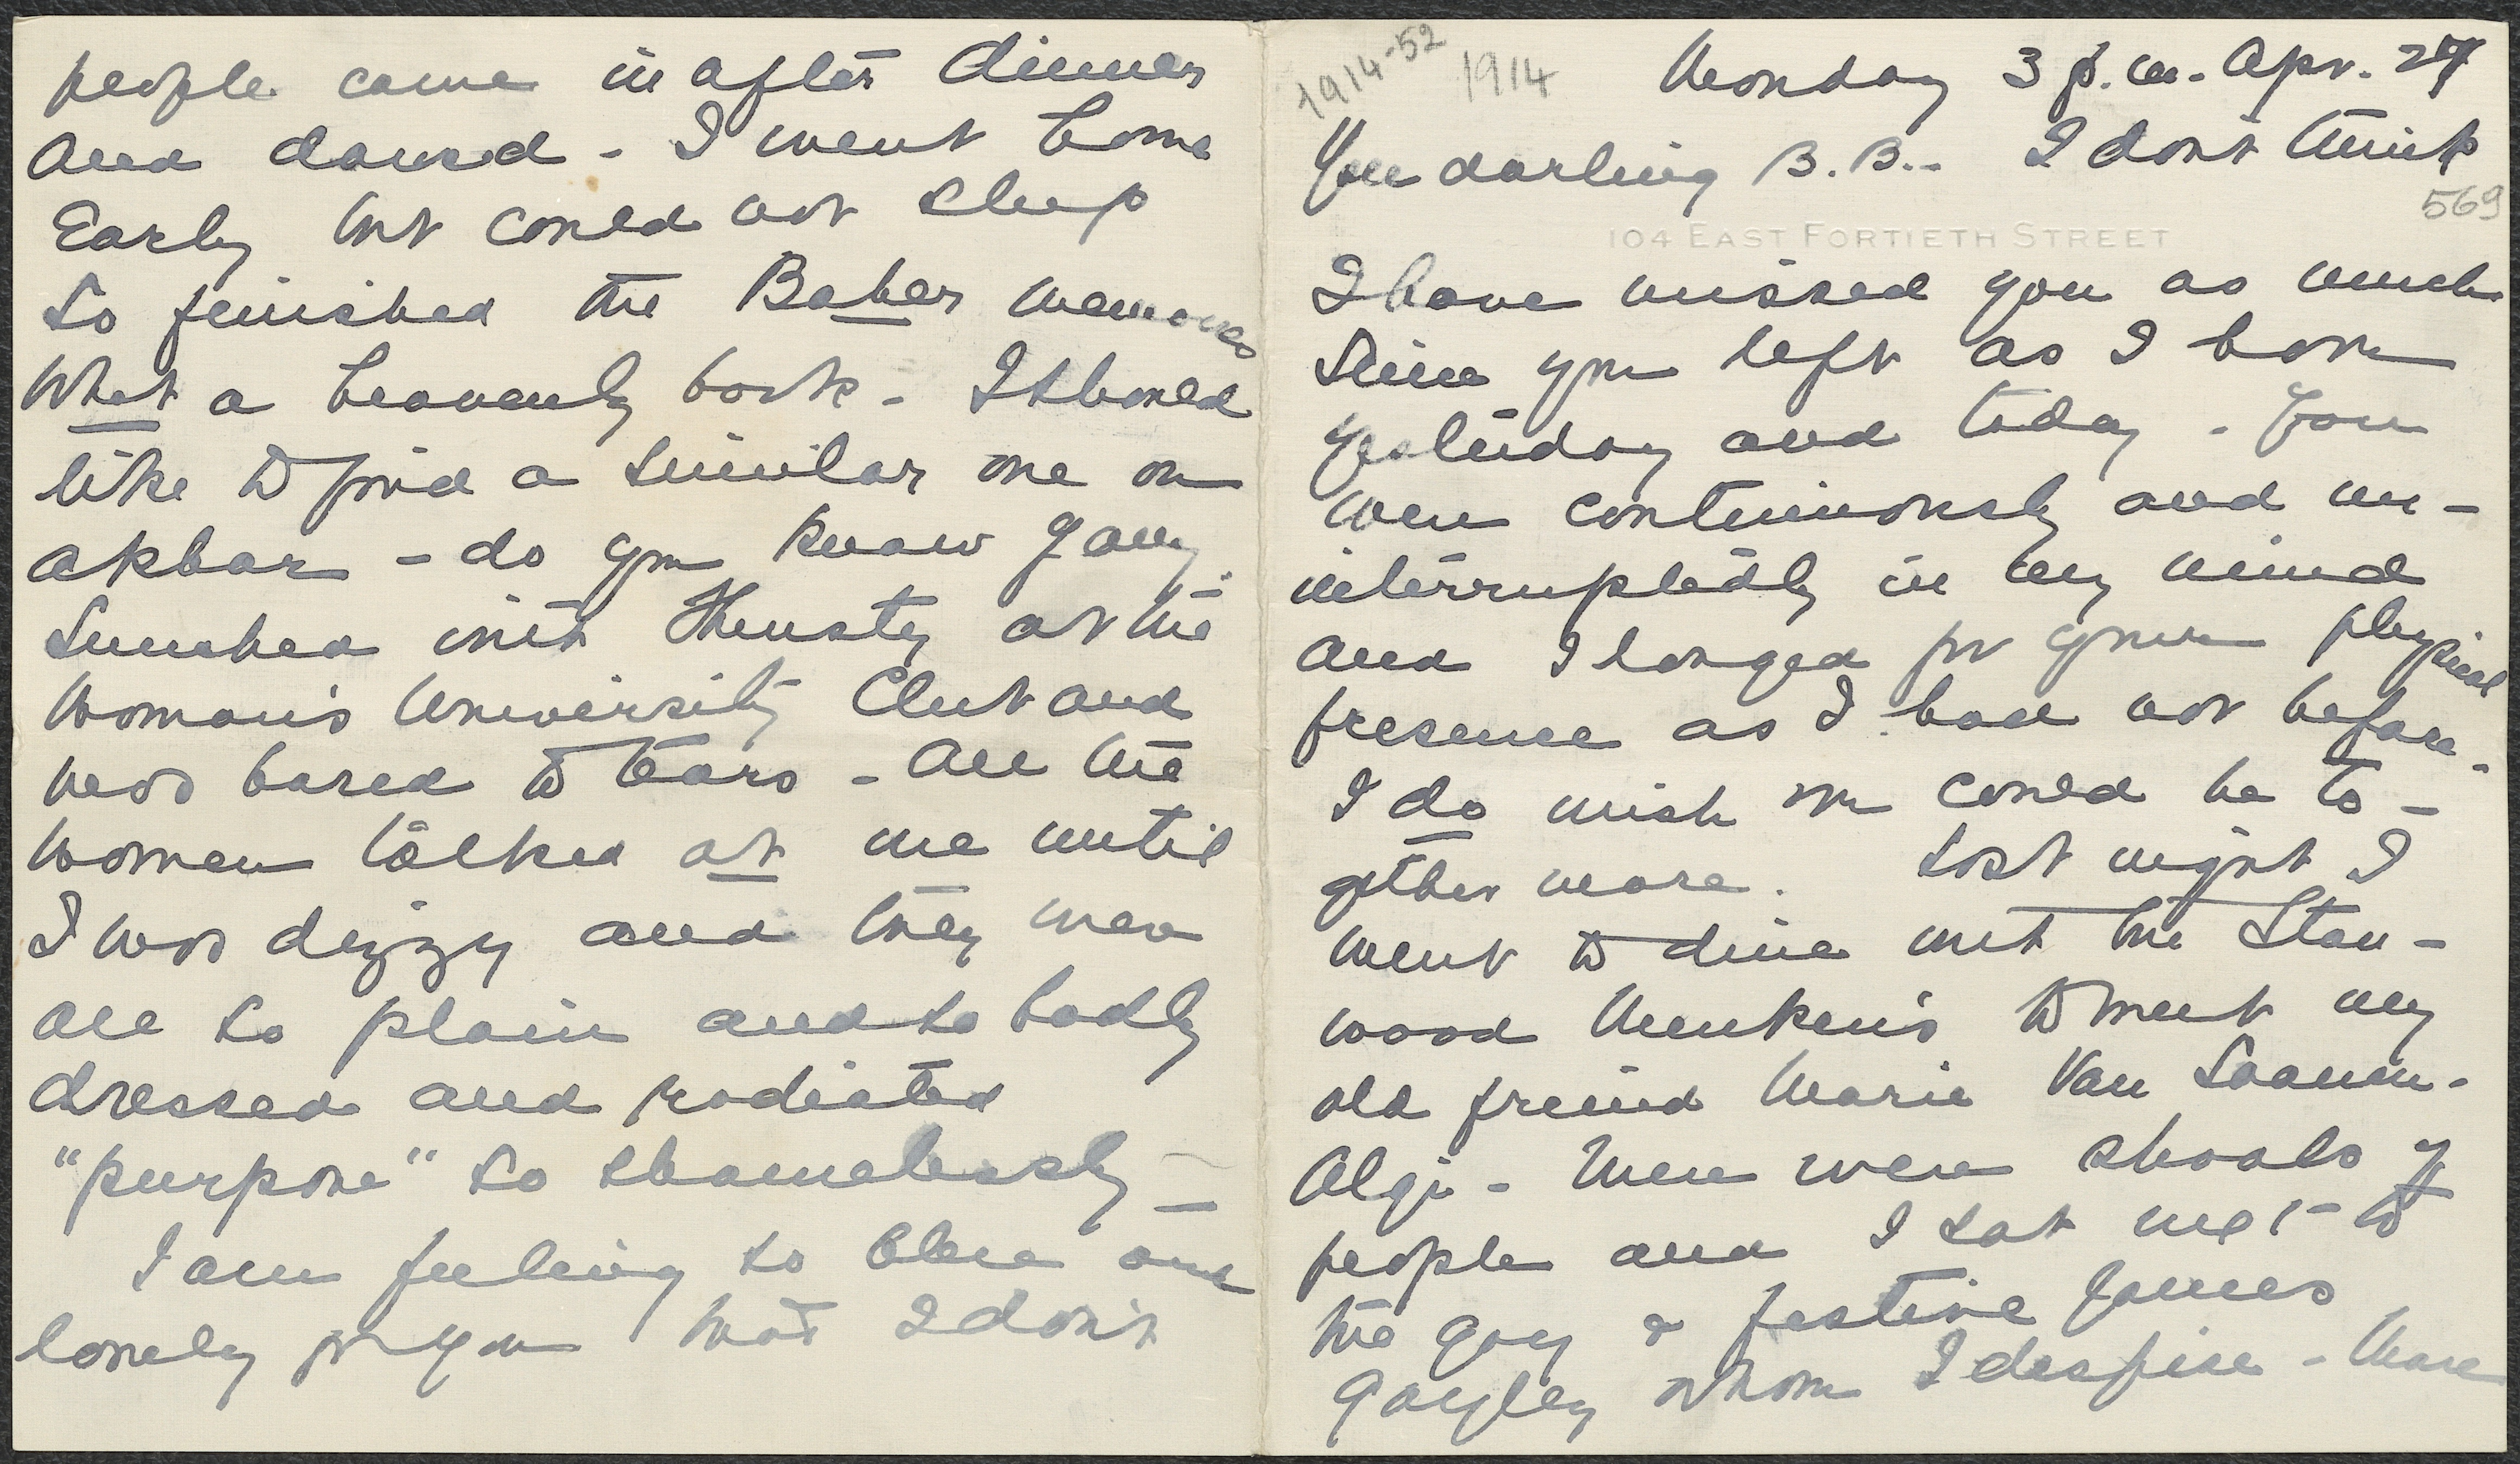Monday 3 p.m. Apr. 27
You darling B.B. – I don’t think I have missed you as much since you left as I have yesterday and today – You were continuously and uninterruptedly in my mind and I longed for your physical presence as I had not before – I do wish we could be together more. Last night I went to dine with the Stanwood Menken’s to meet my old friend Marie Van Saanen-Algi – There were shoals of people and I sat next to the gay & festive James Gayley whom I despise – More
people came in after dinner and danced – I went home early but could not sleep so finished the Baber memoirs
What a heavenly book – I should like to find a similar one on Akbar – do you know of any
Lunched with Thursty at the Woman’s University Club and was bored to tears – all the women talked at me until I was dizzy and they were all so plain and so badly dressed and radiated “purpose” so shamelessly –
I am feeling so blue and lonely for you that I don’t